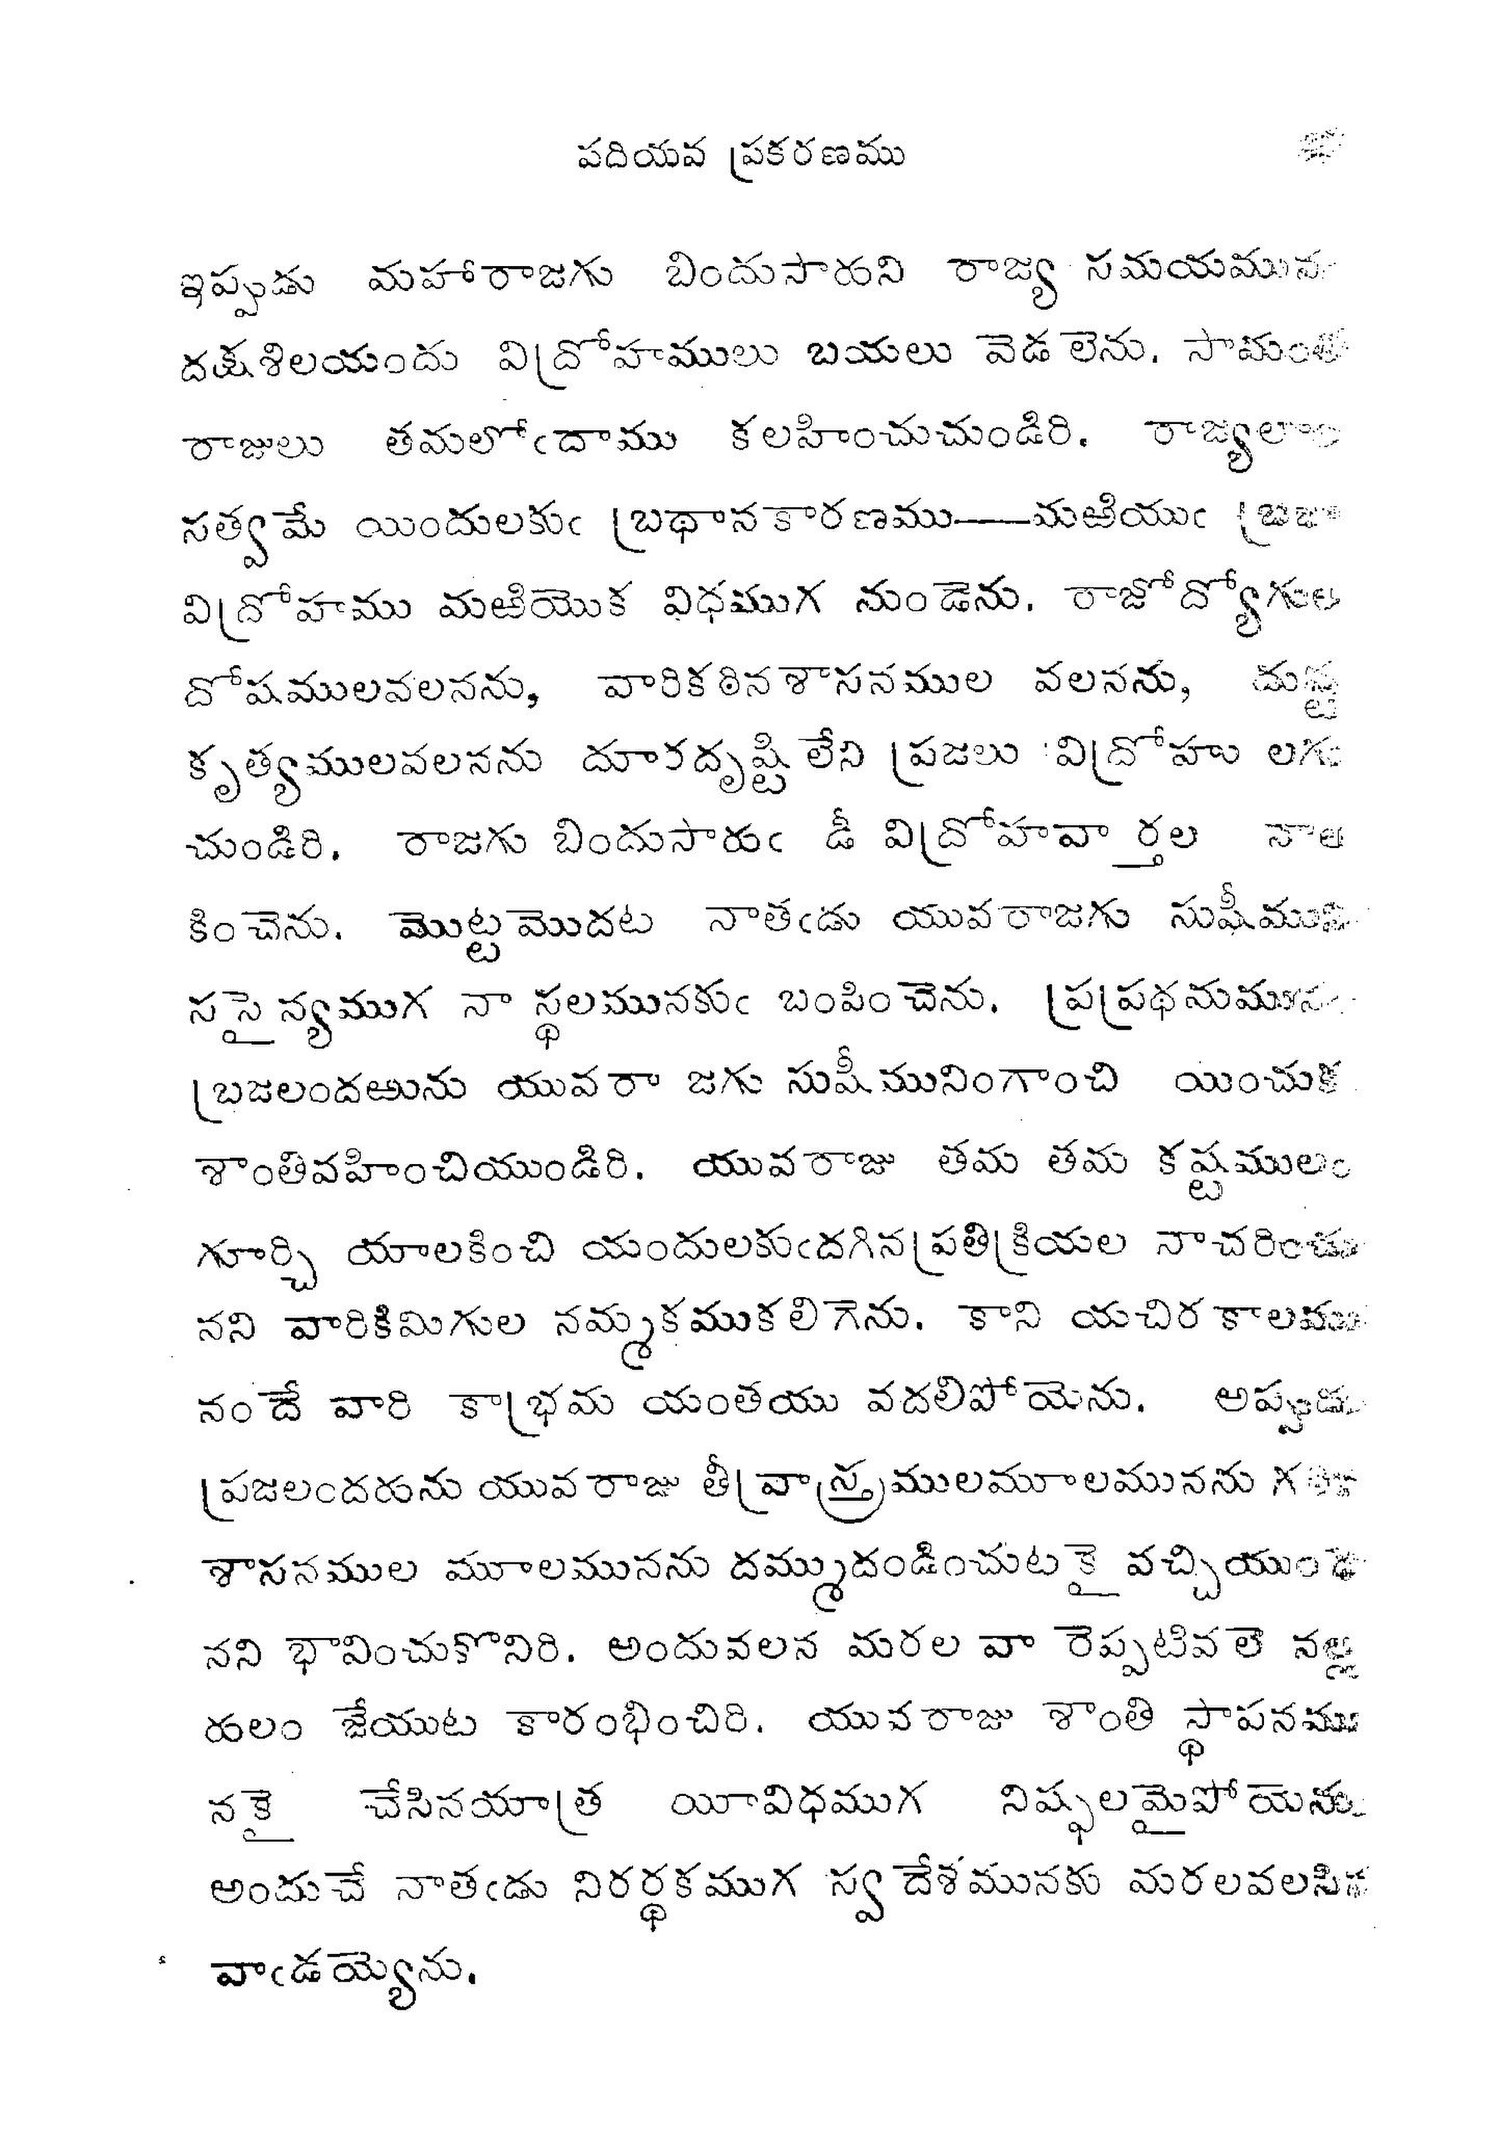ఇప్పుడు మహా రాజగు బిందుసారుని రాజ్య సమయమున దక్ష శిలయందు విద్రోహములు బయలు వెడలెను. సామంత రాజులు తమలోఁదాము కలహించుచుండిరి. రాజ్యలాల
సత్వమే యిందులకుఁ బ్రధాన కారణము—— మఱియుఁ బ్రజా విద్రోహము మఱియొక విధముగ నుండెను. రాజోద్యోగుల దోషములవలనను, వారికఠిన శాసనముల వలనను, దుష్ట
కృత్యములవలనను దూరదృష్టి లేని ప్రజలు విద్రోహు లగు చుండిరి. రాజగు బిందుసారుఁ డీ విద్రోహవా ర్తల నాలకిం చెను. మొట్టమొదట నాతఁడు యువ రాజగు సుషీముని ససైన్యముగ నా స్థలమునకుఁ బంపించెను. ప్రప్రథనుమున బ్రజలందఱును యువరా జగు సుషీ మునింగాంచి యించుక శాంతివహించి యుండిరి. యువ రాజు తమ తమ కష్టములం, గూర్చి యాలకించి యందులకుఁదగిన ప్రతిక్రియల నాచరించునని వారికి మిగుల నమ్మకముకలిగెను. కాని యచిర కాలము నందే వారి కాబ్రమ యంతయు వదలిపోయెను. అప్పుడు ప్రజలందరును యువ రాజు తీవ్రాస్త్రములమూలమునను గఠినశాసనముల మూలమునను దమ్ముదండించుటకై వచ్చియుండేనని భావించుకొనిరి. అందువలన మరల వా రెప్పటివలె నల్లరులం జేయుట కారంభించిరి. యువ రాజు శాంతి స్థాపనమునకై చేసినయాత్ర యీవిధముగ నిష్ఫలమైపోయెను. అందుచే నాతఁడు నిరర్థకముగ స్వదేశమునకు మరలవలసిన వాఁడయ్యెను.